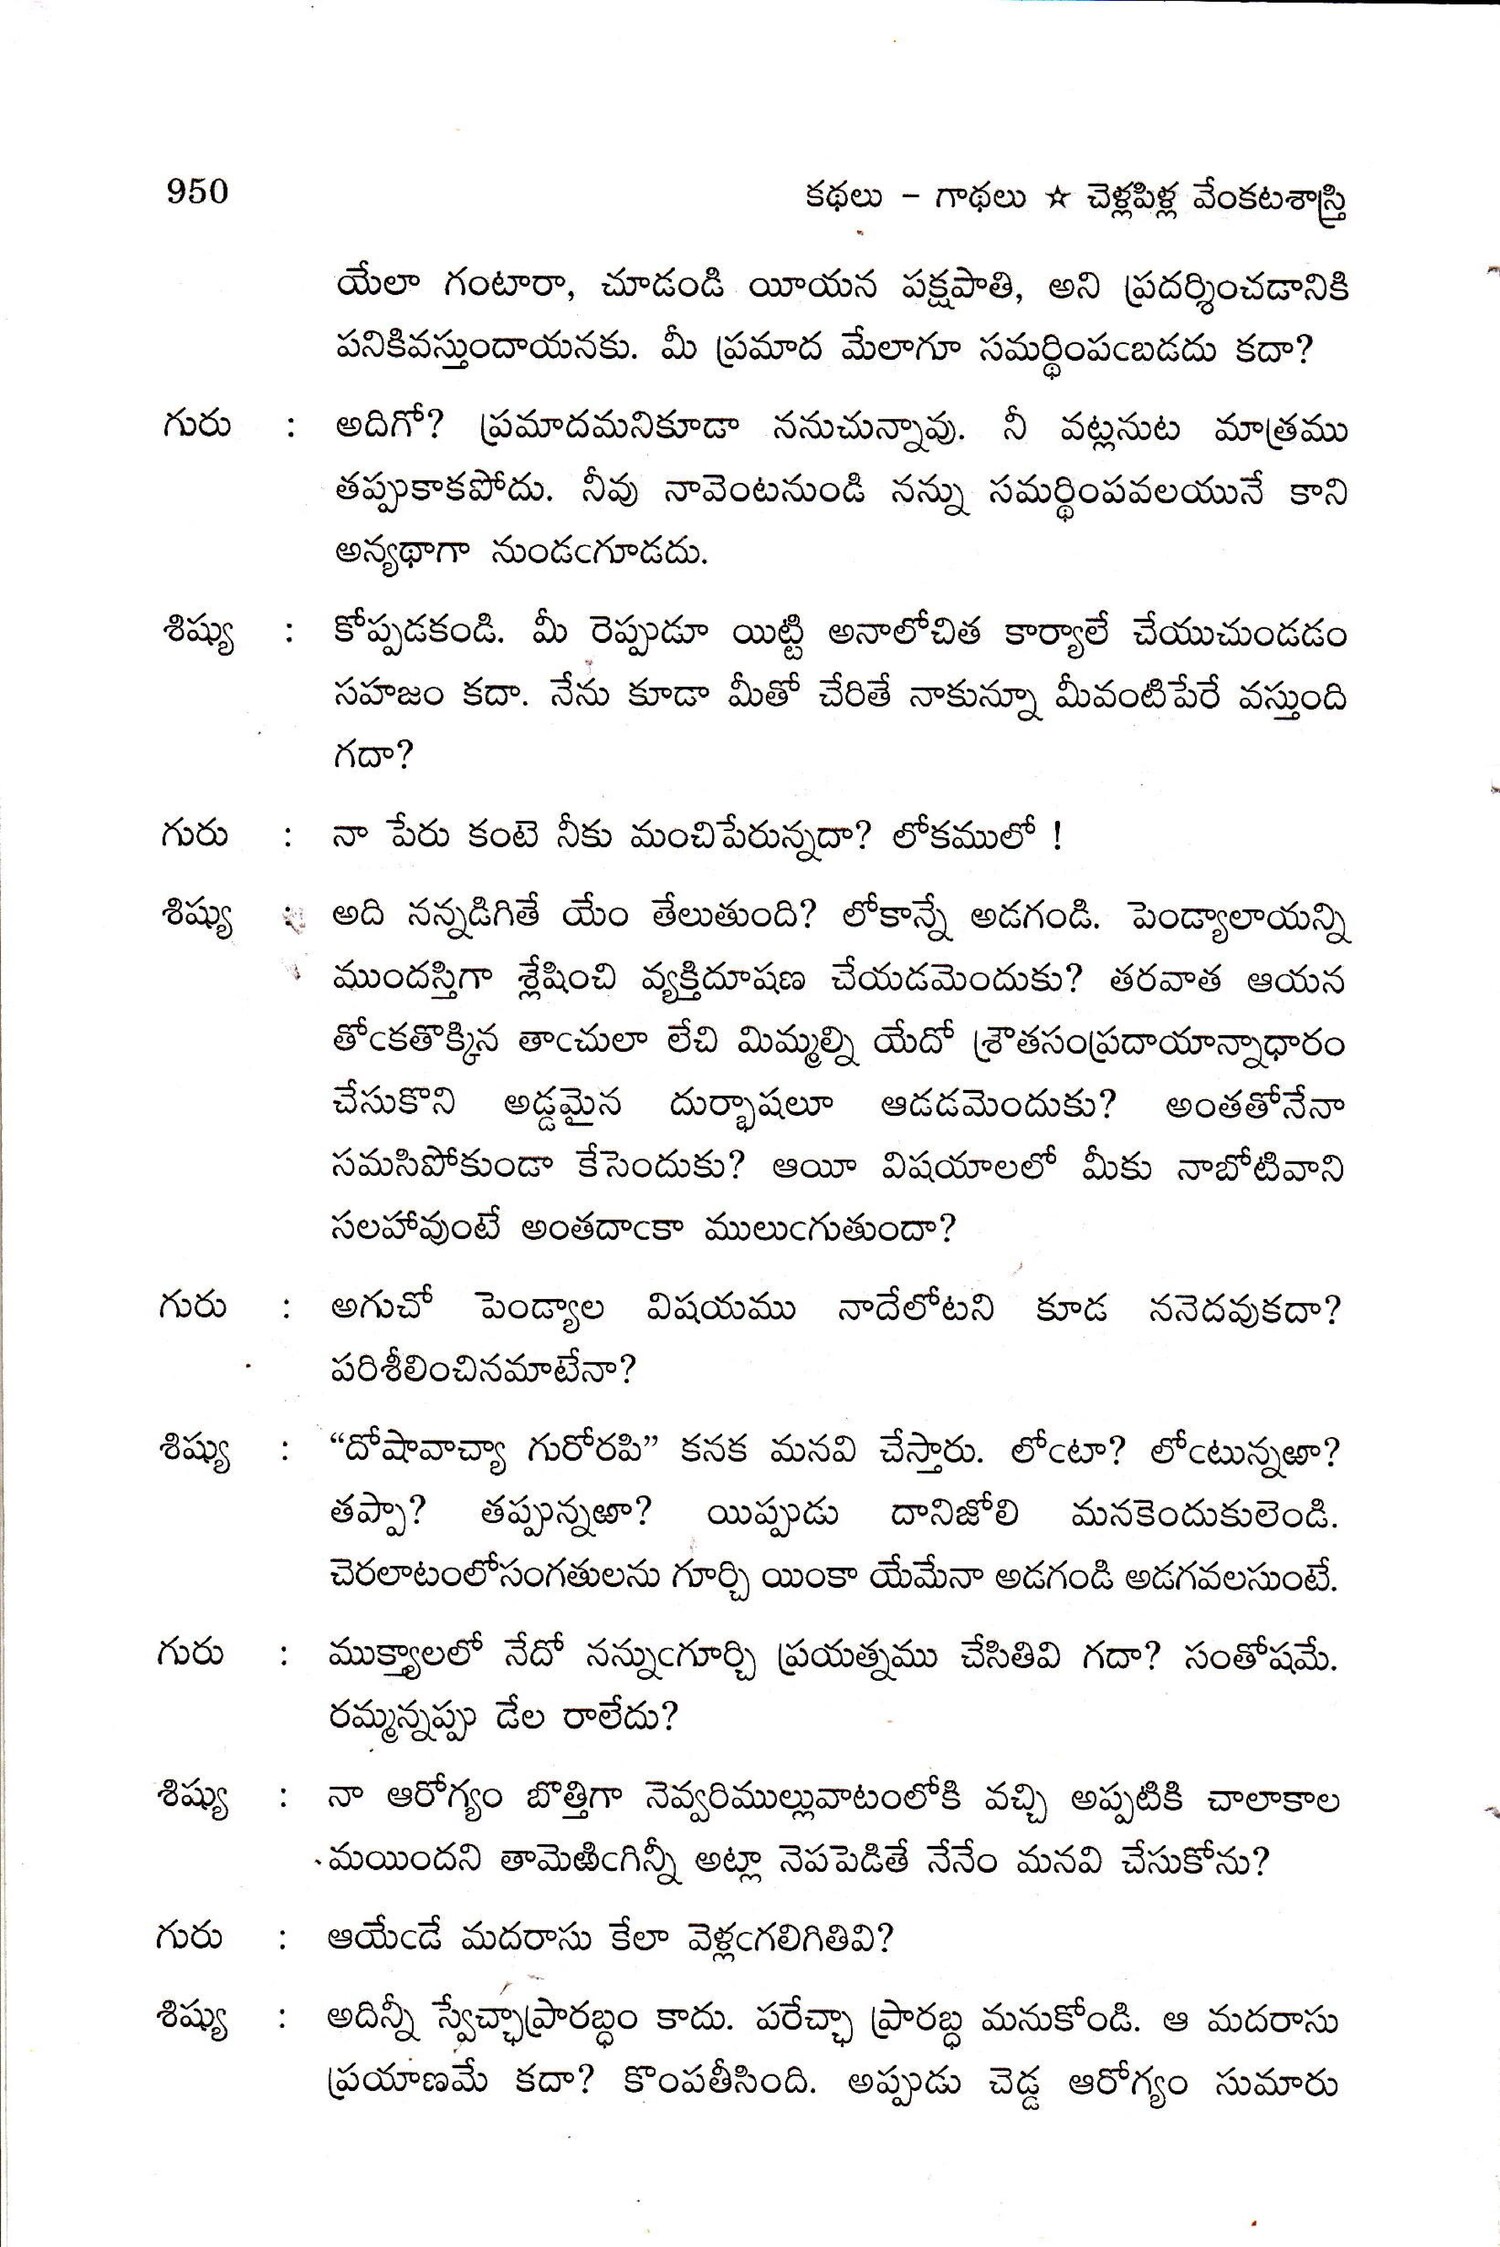యేలా గంటారా, చూడండి యీయన పక్షపాతి, అని ప్రదర్శించడానికి పనికివస్తుందాయనకు. మీ ప్రమాద మేలాగూ సమర్ధింపఁబడదు కదా?

గురు : అదిగో? ప్రమాదమనికూడా ననుచున్నావు. నీ వట్లనుట మాత్రము తప్పుకాకపోదు. నీవు నావెంటనుండి నన్ను సమర్ధింపవలయునే కాని అన్యథాగా నుండఁగూడదు.

శిష్యు : కోప్పడకండి. మీ రెప్పడూ యిట్టి అనాలోచిత కార్యాలే చేయుచుండడం సహజం కదా. నేను కూడా మీతో చేరితే నాకున్నూ మీవంటిపేరే వస్తుంది గదా?

గురు : నా పేరు కంటె నీకు మంచిపేరున్నదా? లోకములో !

శిష్యు : అది నన్నడిగితే యేం తేలుతుంది? లోకాన్నే అడగండి. పెండ్యాలాయన్ని ముందస్తిగా శ్లేషించి వ్యక్తిదూషణ చేయడమెందుకు? తరవాత ఆయన తోఁకతొక్కిన తాఁచులా లేచి మిమ్మల్ని యేదో శ్రౌతసంప్రదాయాన్నాధారం చేసుకొని అడ్డమైన దుర్భాషలూ ఆడడమెందుకు? అంతతోనేనా సమసిపోకుండా కేసెందుకు? ఆయినా విషయాలలో మీకు నాబోటివాని సలహావుంటే అంతదాఁకా ములుఁగుతుందా?

గురు : అగుచో పెండ్యాల విషయము నాదేలోటని కూడ ననెదవుకదా? పరిశీలించినమాటేనా?

శిష్యు : "దోషావాచ్యా గురోరపి" కనక మనవి చేస్తారు. లోఁటా? లోఁటున్నఱా? తప్పా? తప్పున్నఱా? యిప్పుడు దాని జోలి మనకెందుకులెండి. చెరలాటంలోసంగతులను గూర్చి యింకా యేమేనా అడగండి అడగవలసుంటే.

గురు : ముక్త్యాలలో నేదో నన్నుఁగూర్చి ప్రయత్నము చేసితివి గదా? సంతోషమే. రమ్మన్నప్పు డేల రాలేదు?

శిష్యు : నా ఆరోగ్యం బొత్తిగా నెవ్వరిముల్లువాటంలోకి వచ్చి అప్పటికి చాలాకాల మయిందని తామెఱిఁగిన్నీ అట్లా నెపపెడితే నేనేం మనవి చేసుకోను?

గురు : ఆయేఁడే మదరాసు కేలా వెళ్లఁగలిగితివి?

శిష్యు : అదిన్నీ స్వేచ్ఛాప్రారబ్ధం కాదు. పరేచ్ఛా ప్రారబ్ద మనుకోండి. ఆ మదరాసు ప్రయాణమే కదా? కొంపతీసింది. అప్పుడు చెడ్డ ఆరోగ్యం సుమారు